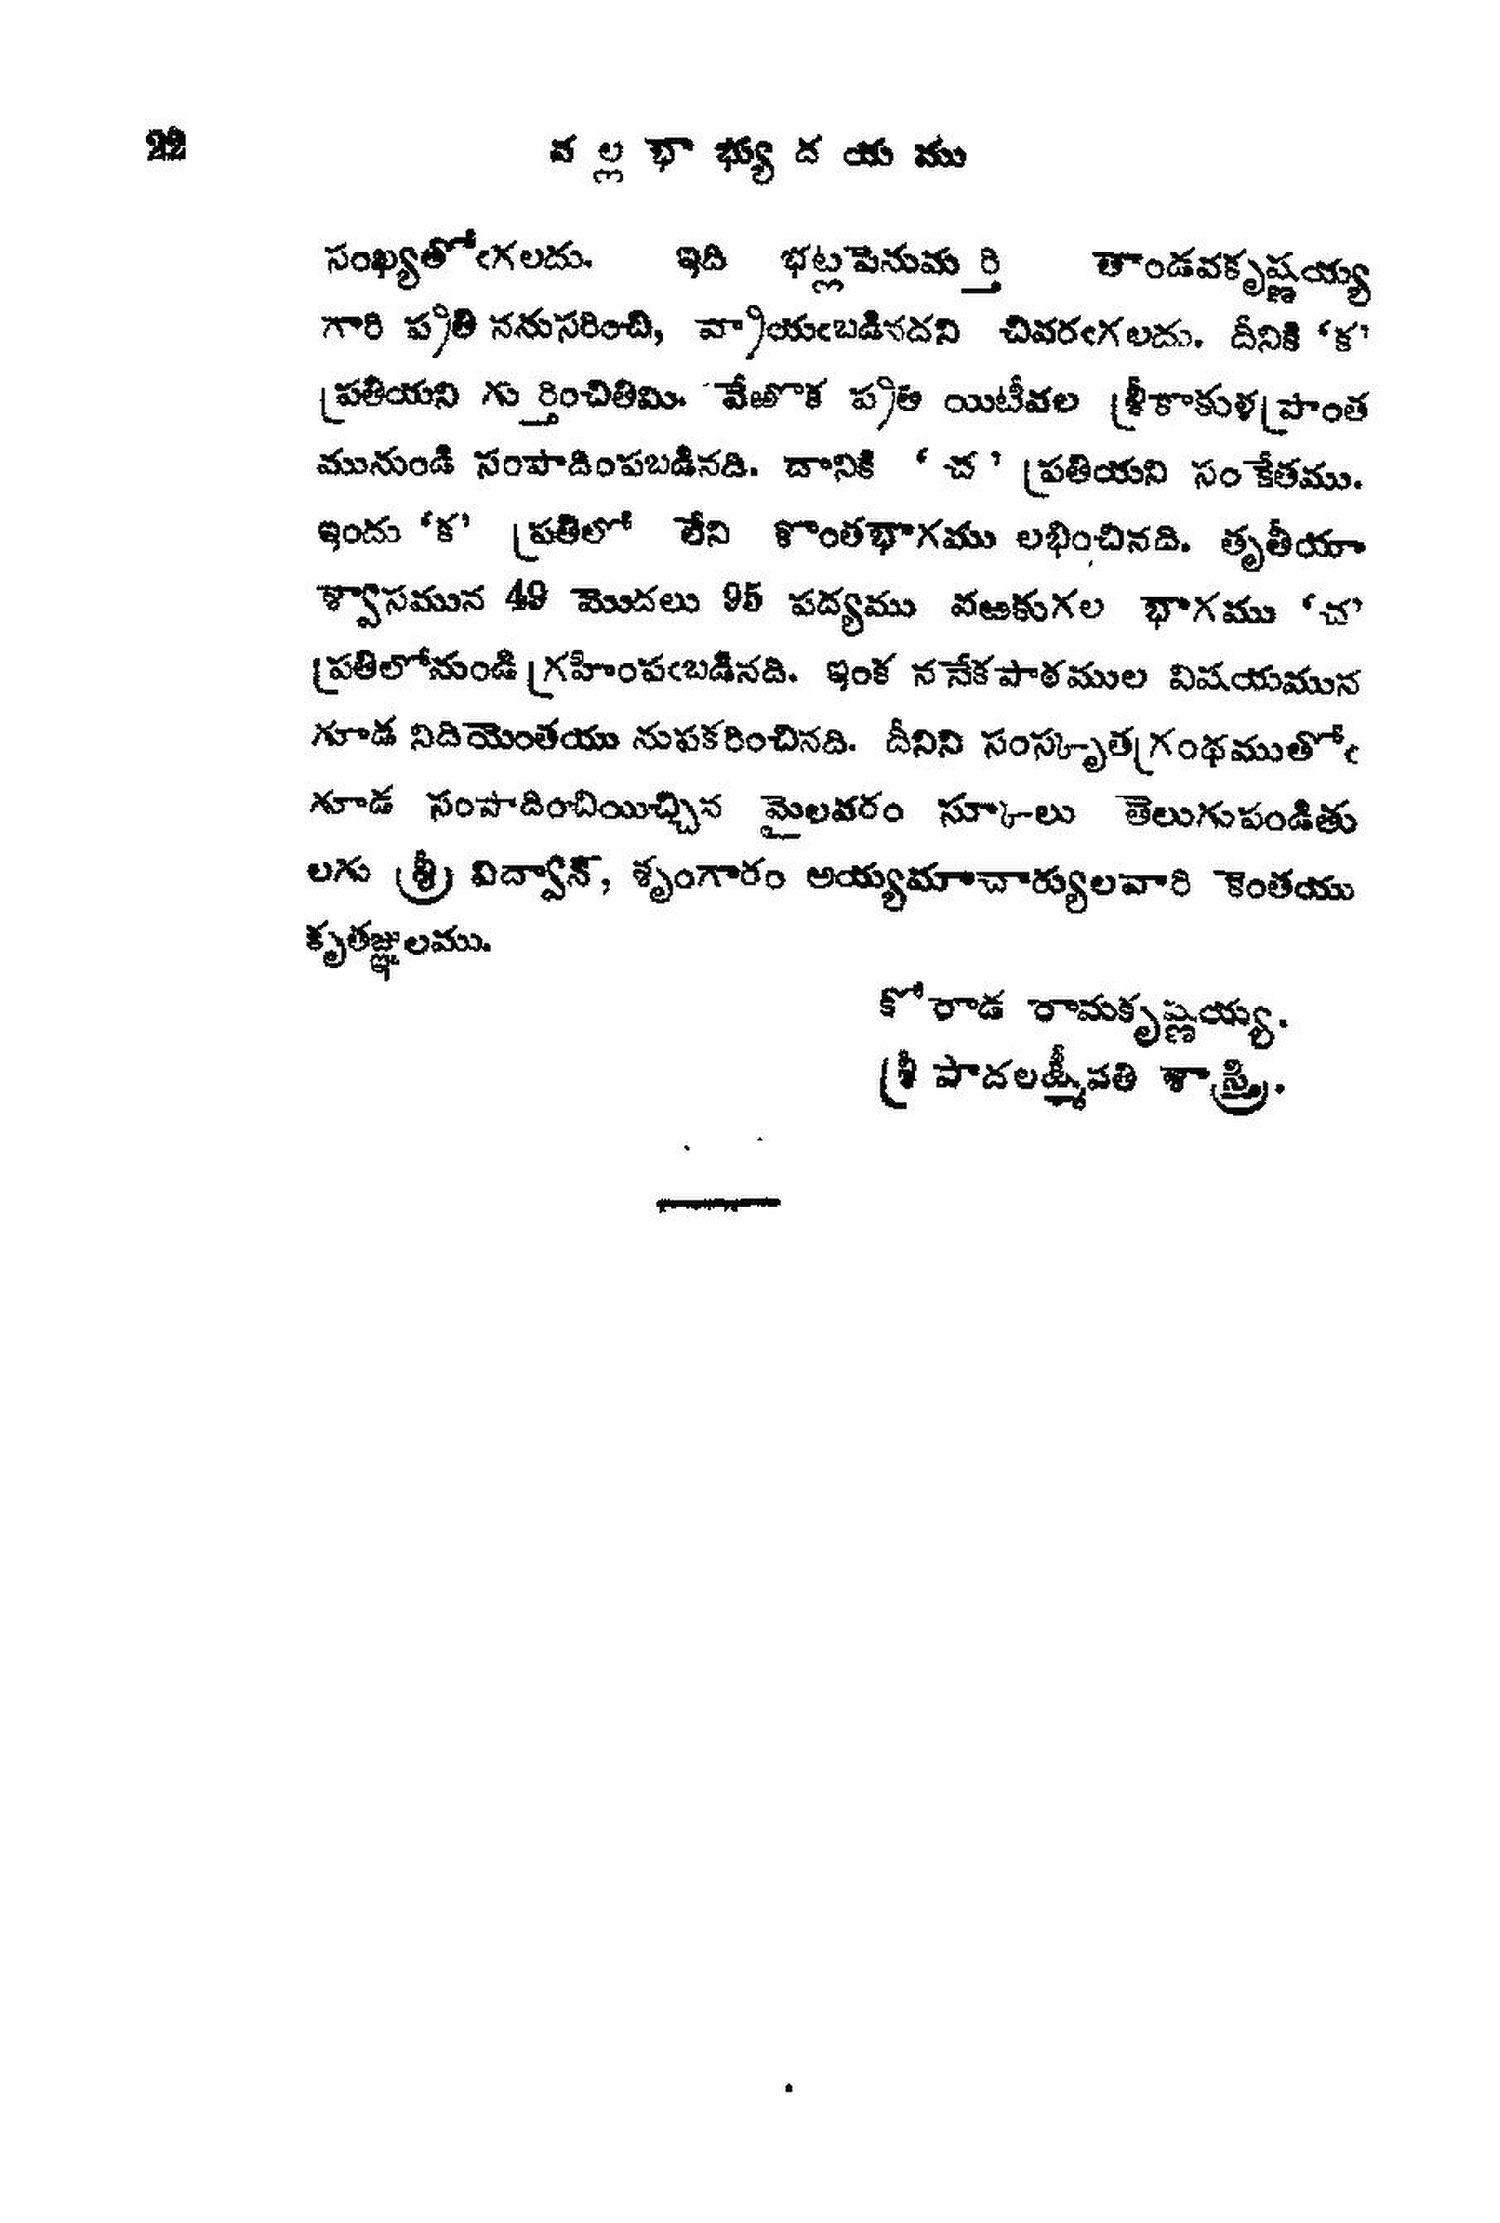సంఖ్యతోలగలదు. ఇది భట్లపెనుమర్తి తాండవకృష్ణయ్య గారి ప్రతి ననుసరించి, వాయఁబడినదని చివరఁగలదు. దీనికి 'క'
ప్రతియని గుర్తించితిమి వేరొక ప్రతి యిటీవల శ్రీకాకుళ ప్రాంతమునుండి సంపాదింపబడినది. దానికి 'చ' ప్రతియని సంకేతము. ఇందు 'క' ప్రతిలో లేని కొంతభాగము లభించినది. తృతీయాశ్వాసమున 49 మొదలు 95 పద్యము వఱకుగల భాగము 'చ ' ప్రతిలోనుండి గ్రహింపఁబడినది. ఇంక ననేక పాఠములు విషయమున గూడ నిదియెంతయు నుపకరించినది. దీనిని సంస్కృతగ్రంథముతోఁ గూడ సంపాదించియిచ్చిన మైలవరం స్కూలు తెలుగుపండితులగు శ్రీ విద్వాన్, శృంగారం అయ్యమాచార్యులవారి కొంతయు కృతజ్ఞులము.